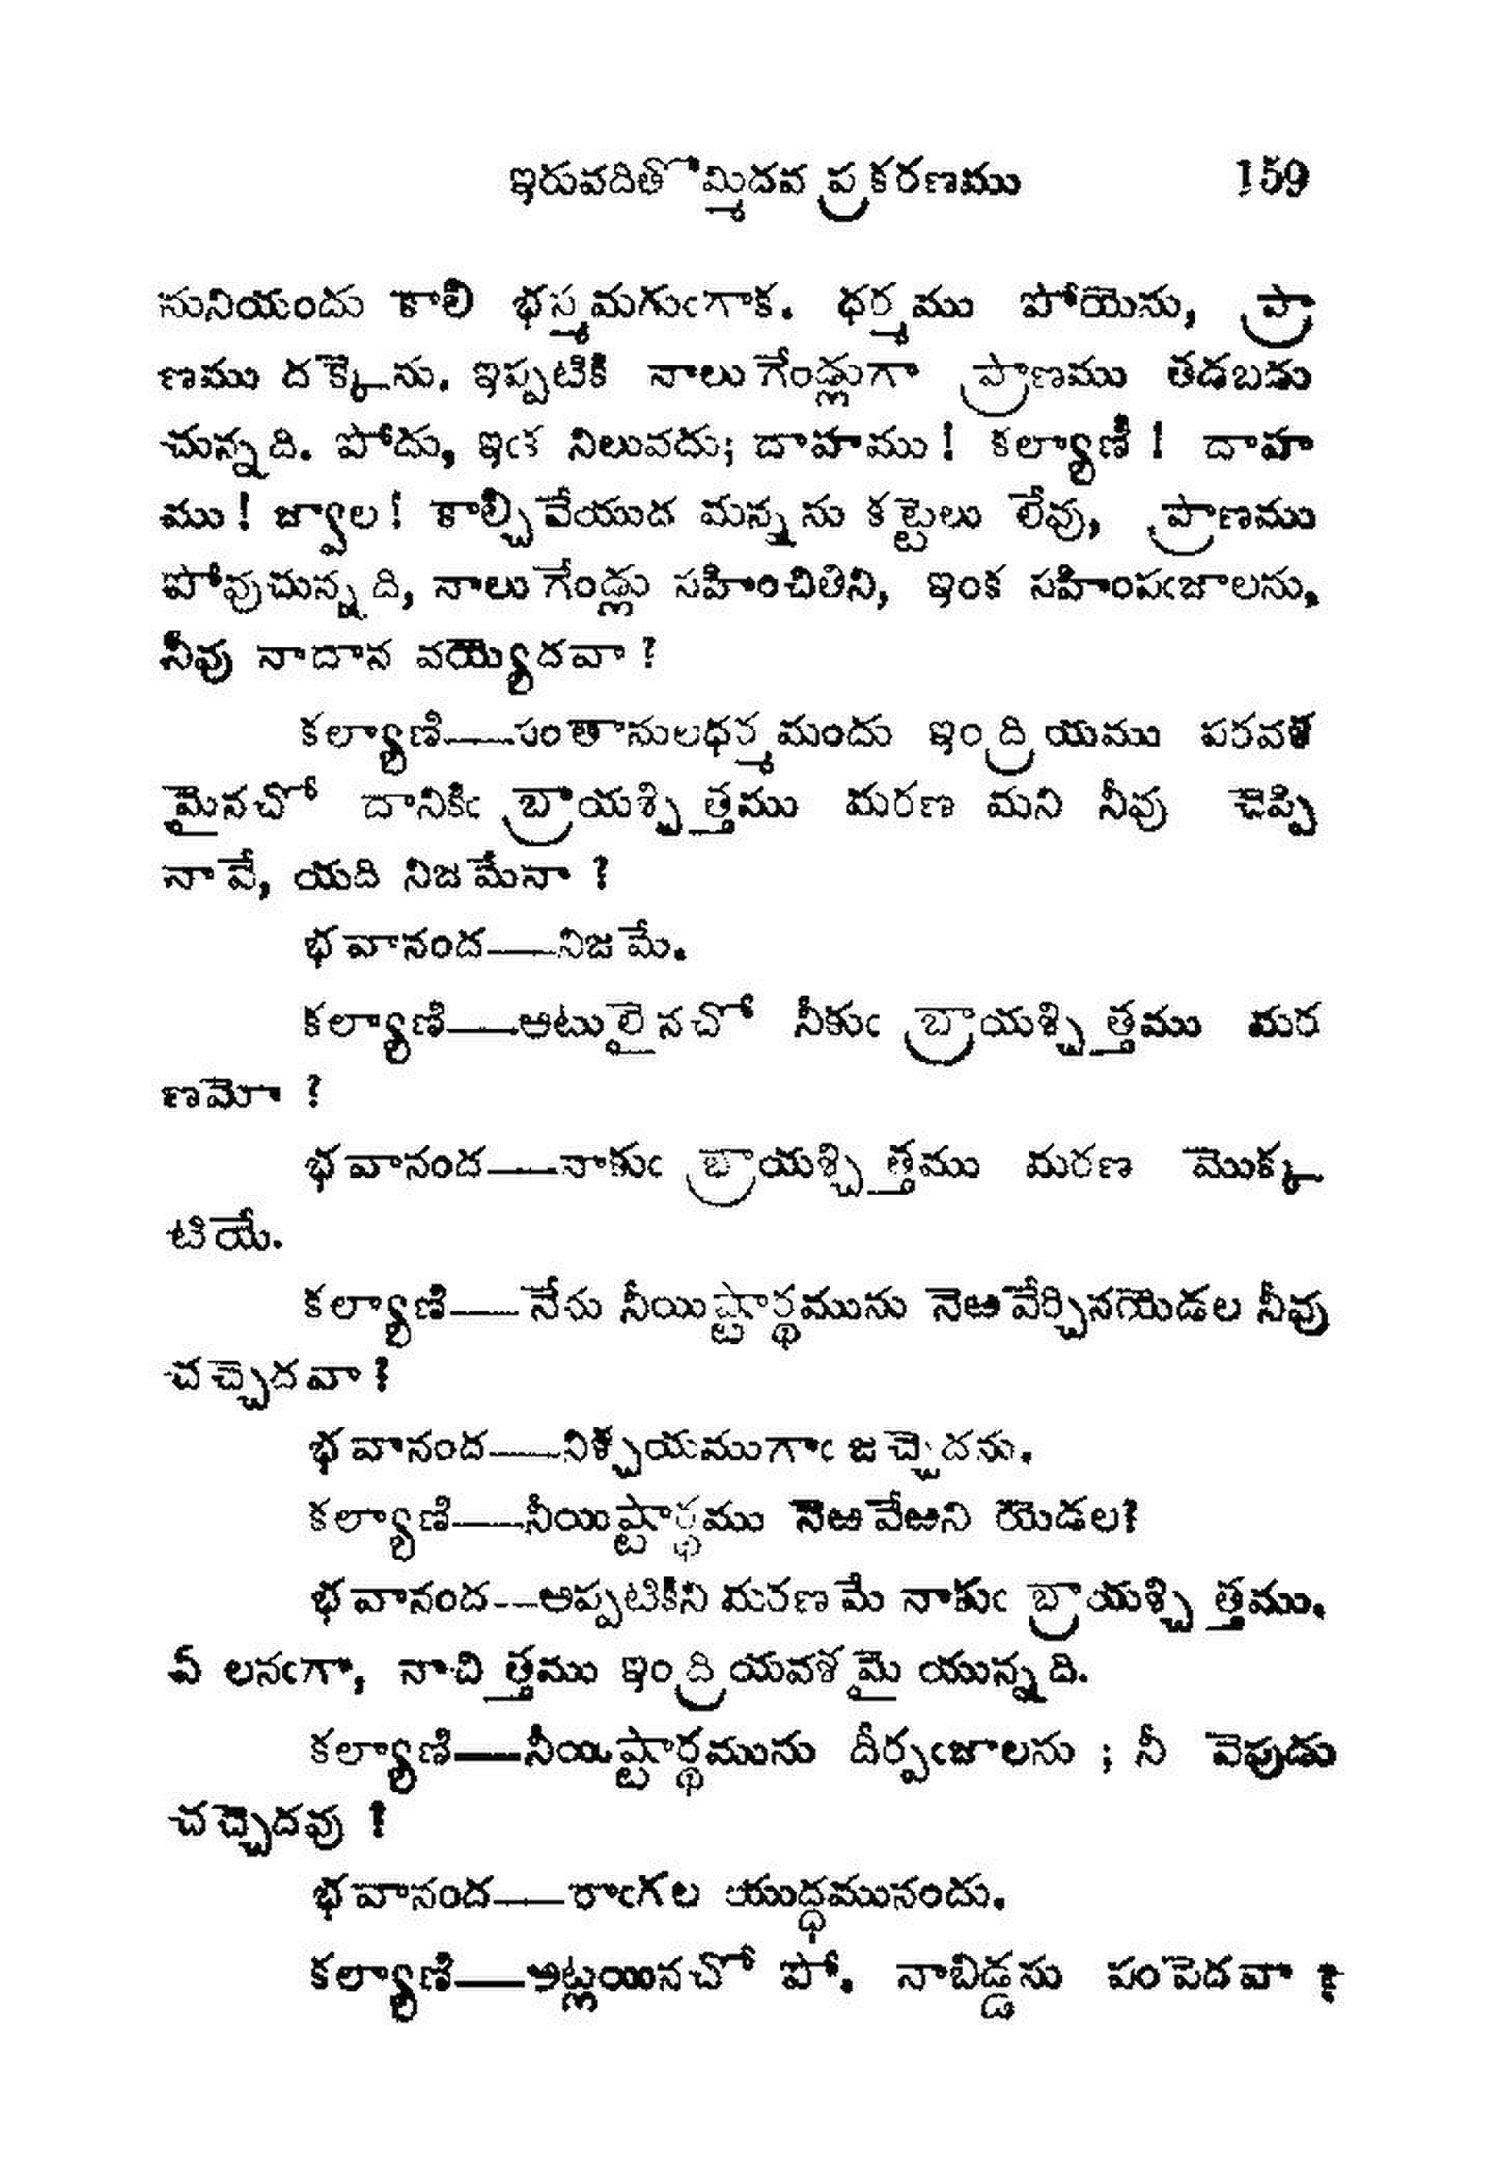నునియందు కాలి భస్మమగుఁగాక. ధర్మము పోయెను, ప్రాణము దక్కేను. ఇప్పటికి నాలు గేండ్లుగా ప్రాణము తడబడు
చున్నది. పోదు, ఇఁక నిలువదు; దాహము ! కల్యాణి ! దాహము! జ్వాల ! కాల్చి వేయుద మన్నను కట్టెలు లేవు, ప్రాణము పోవుచున్నది, నాలుగేండ్లు సహించితిని, ఇంక సహింపఁజాలను, నీవు నాదాన వయ్యెదవా ?

కల్యాణి——సంతానులధర్మమందు ఇంద్రియము పరవశ మైనచో దానికిఁ బ్రాయశ్చిత్తము మరణ మని నీవు చెప్పి నావే, యది నిజమేనా ?

భవానంద——నిజమే.

కల్యాణి—— ఆటులైనచో నీకుఁ బ్రాయశ్చిత్తము మరణమో?

భవానంద—— నాకుఁ బ్రాయశ్చిత్తము మరణ మొక్కటియే.

కల్యాణి — నేను నీ యిష్టార్థమును నెఱవేర్చినయెడల నీవు చచ్చెదవా?

భవానంద——నిశ్చయముగాఁ జచ్చెదను.

కల్యాణి——నీయిష్టార్థము నెఱవేఱని యెడల?

భవానంద—— అప్పటికిని మరణమే నాకుఁ బ్రాయశ్చిత్తము. ఏ లనఁగా, నాచిత్తము ఇంద్రియవశమై యున్నది.

కల్యాణి——నీ యిష్టార్థమును దీర్పఁజలను ; నీ వెపుడు చచ్చెదవు ?

భవానంద——రాఁగల యుద్ధమునందు.

కల్యాణి——అట్లయినచో పో. నాబిడ్డను పంపెదవా ?